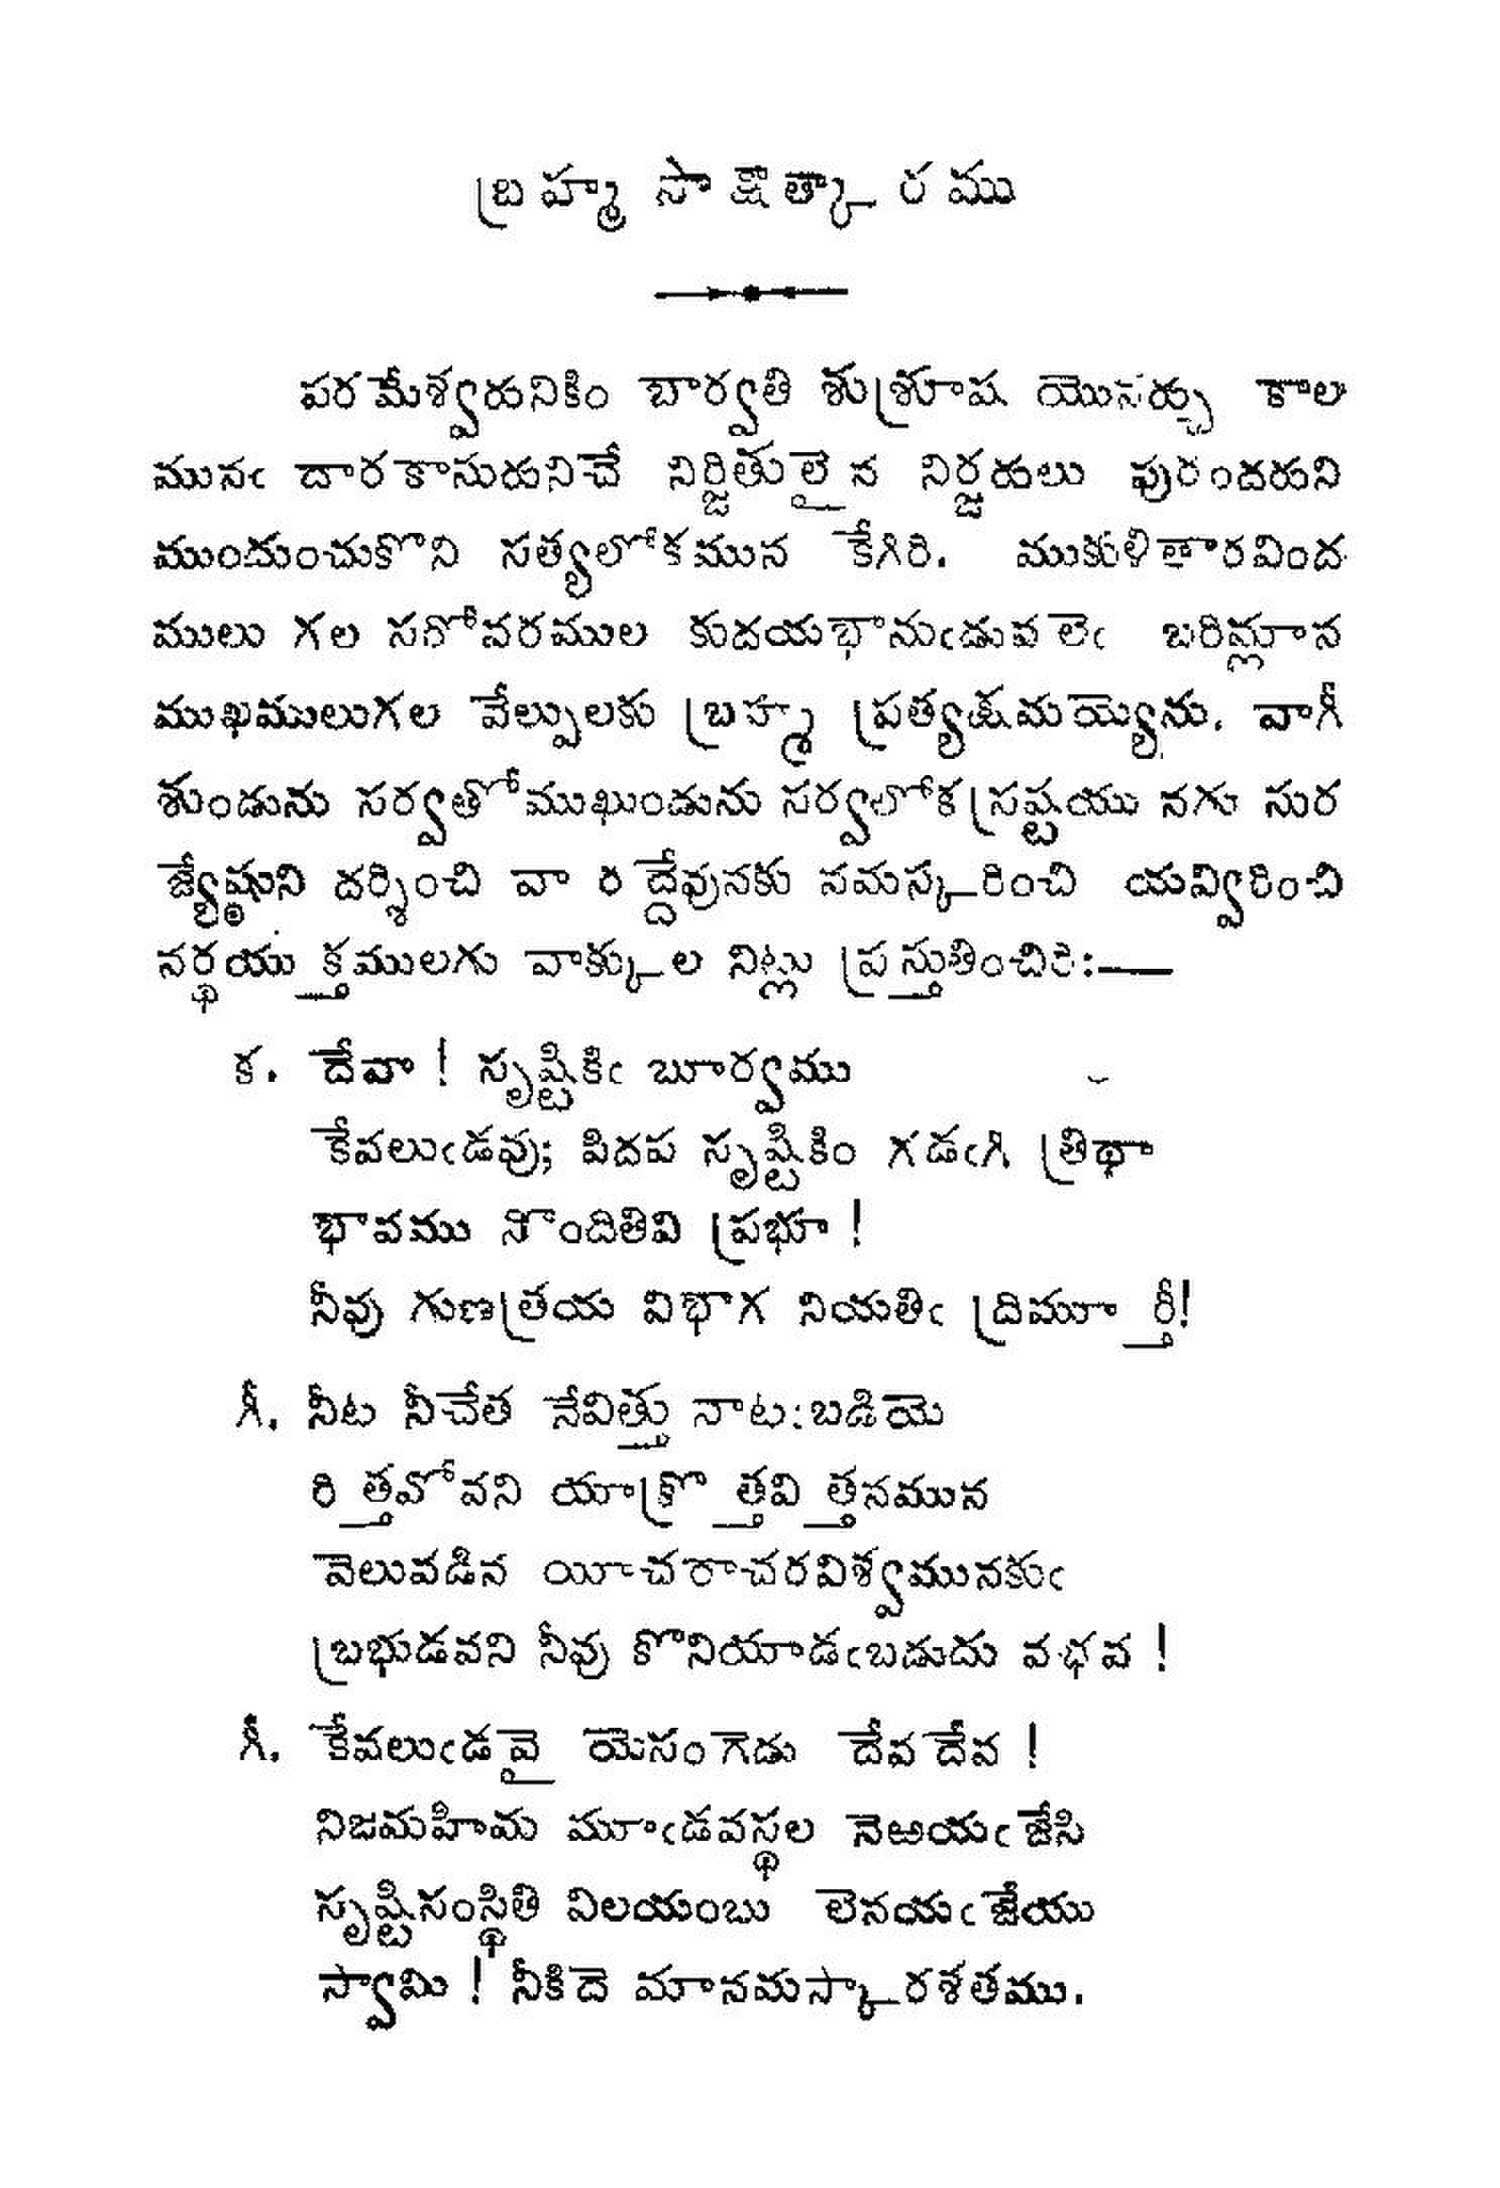బ్రహ్మ సాక్షాత్కారము

పరమేశ్వరునికిం బార్వతి శుశ్రూష యొనర్చు కాలమునఁ దారకాసురునిచే నిర్జితులైన నిర్జరులు పురందరుని ముందుంచుకొని సత్యలోకమున కేగిరి. ముకుళితారవిందములు గల సరోవరములు కుదయభానుఁడువలెఁ బరిమ్లాన ముఖములుగల వేల్పులకు బ్రహ్మ ప్రత్యక్షమయ్యెను. వాగీశుండును సర్వతోముఖుండును సర్వలోక స్రష్టయు నగు సురజ్యేష్ఠుని దర్శించి వా రద్దేవునకు నమస్కరించి యవ్విరించి నర్ణయు క్తములగు వాక్కుల నిట్లు ప్రస్తుతించిది: —

క. దేవా ! సృష్టికిఁ బూర్వము
కేవలుఁడవు; పిదప సృష్టికిం గడఁగి త్రిథా
భావము నొందితివి ప్రభూ !
నీవు గుణత్రయ విభాగ నియతిఁ ద్రిమూర్తీ !

గీ. నీట నీచేత నేవిత్తు నాటఁ బడియె
రిత్తవోవని యాక్రొత్తవి త్తనమున
వెలువడిన యీచరాచర విశ్వమునకుఁ
బ్రభుడవని నీవు కొనియాడఁబడుదు వభవ !

గీ. కేవలుఁడవై యెసంగెడు దేవదేవ !
నిజమహిమ మూఁడవస్థల నెఱయఁ జేసి
సృష్టిసంస్థితి విలయంబు లెనయఁ జేయు
స్వామి ! నీకిదె మానమస్కారశతము.